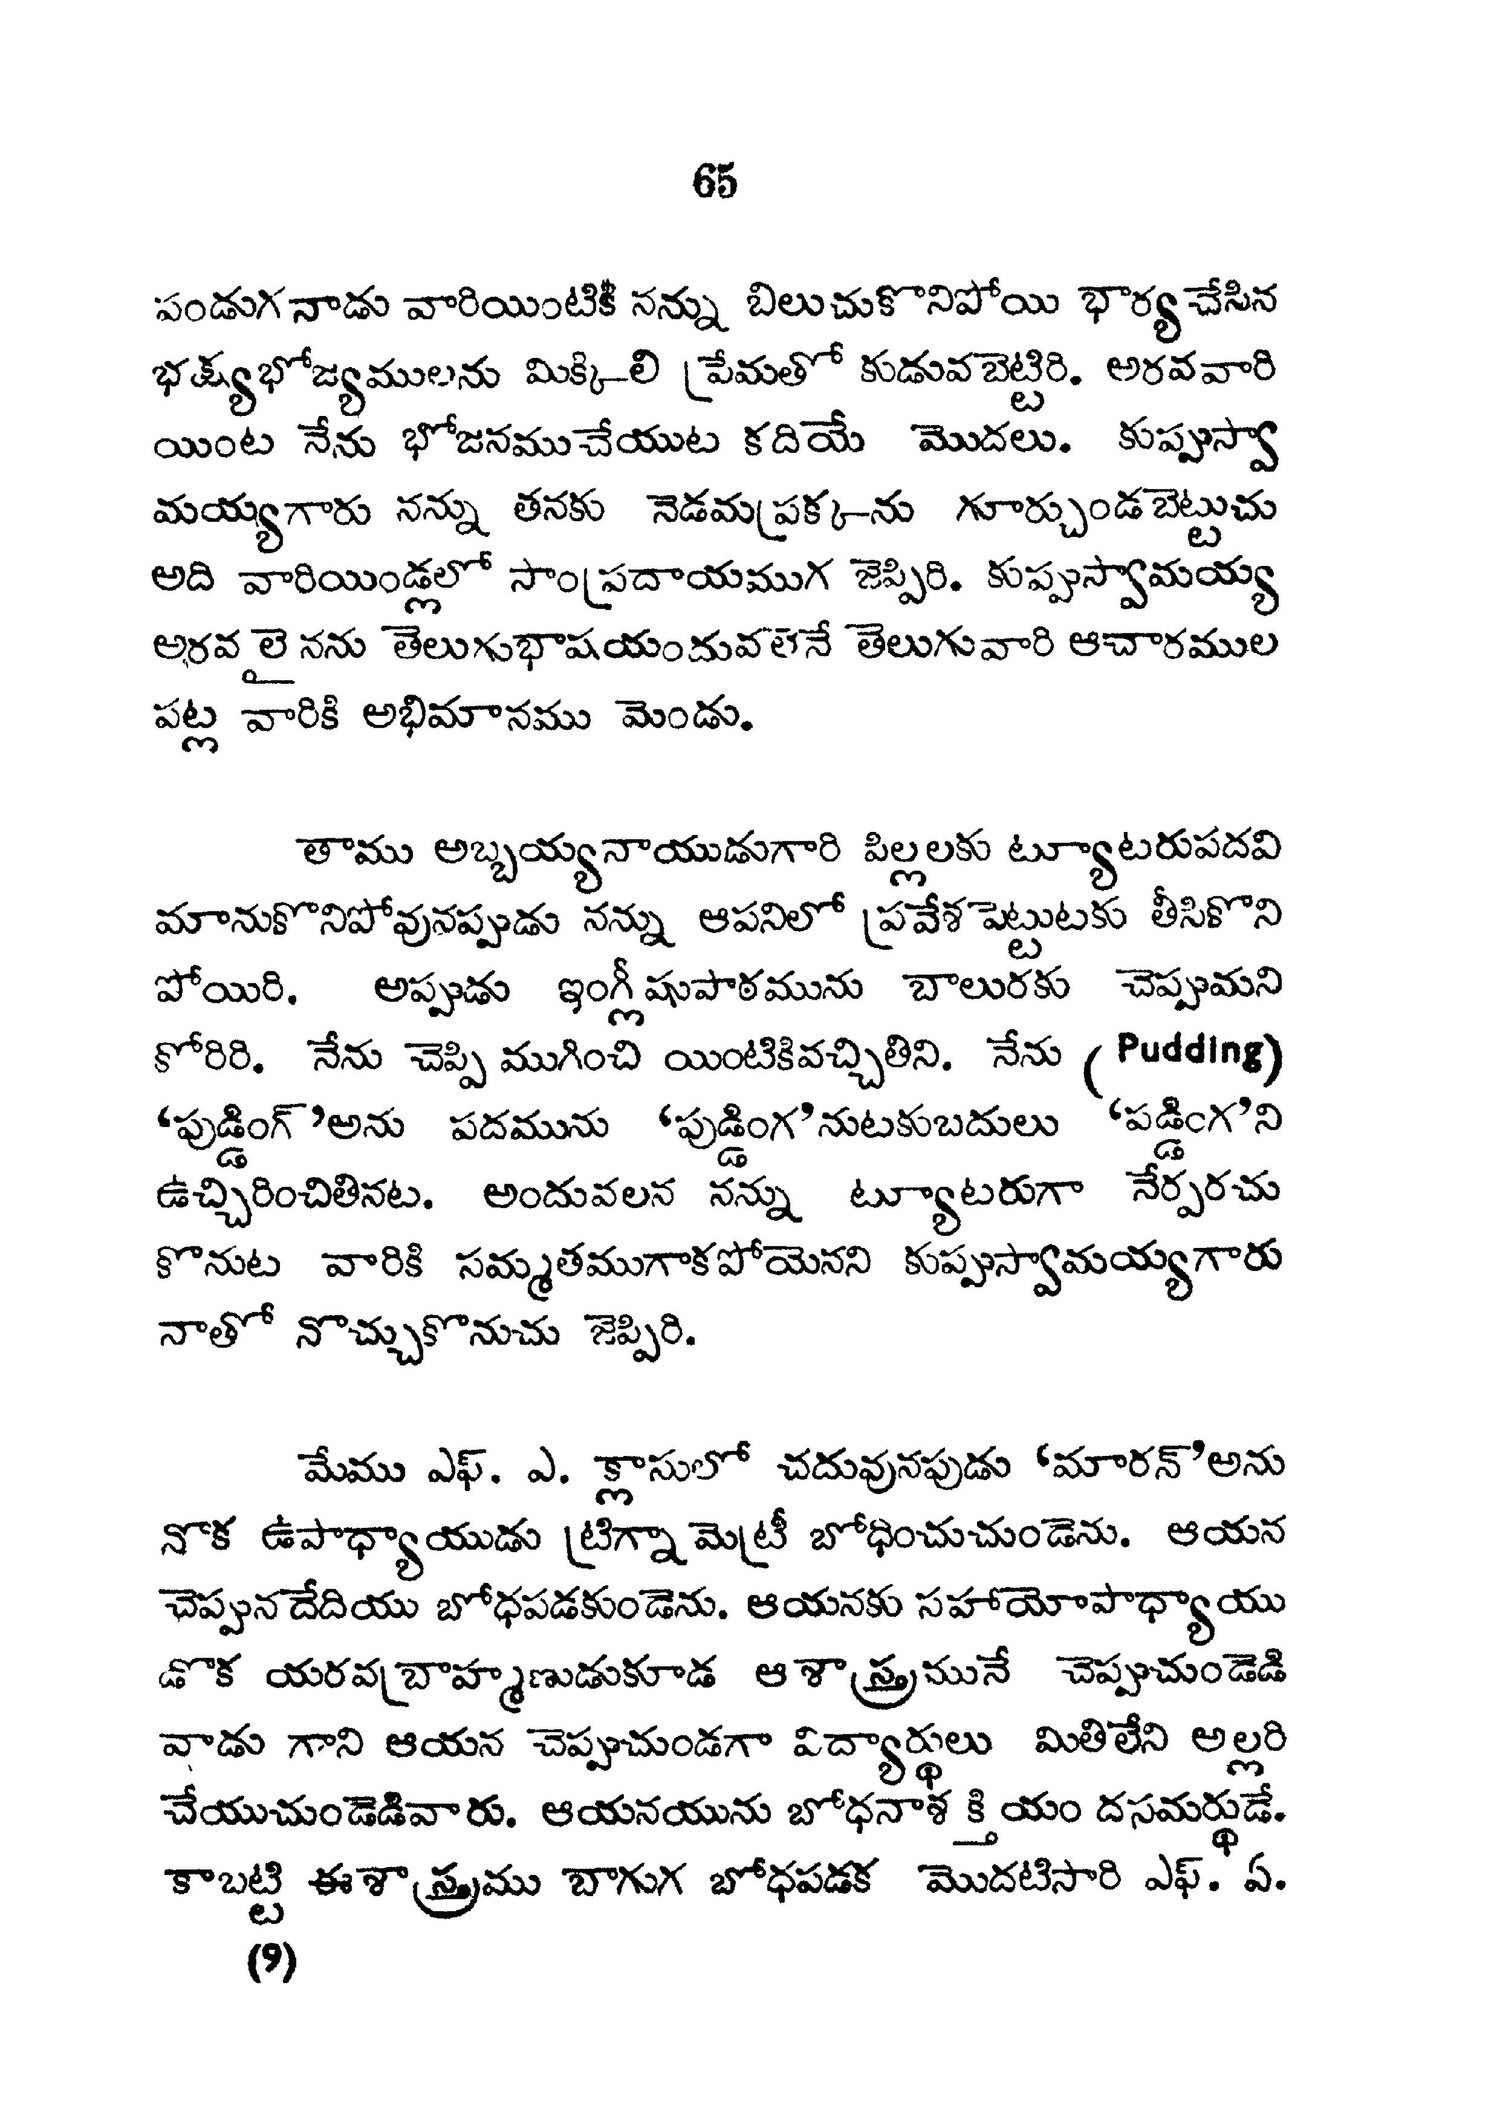పండుగనాడు వారియింటికి నన్ను బిలుచుకొనిపోయి భార్యచేసిన భక్ష్యభోజ్యములను మిక్కిలి ప్రేమతో కుడువబెట్టిరి. అరవవారి యింట నేను భోజనముచేయుట కదియే మొదలు. కుప్పుస్వామయ్యగారు నన్ను తనకు నెడమప్రక్కను గూర్చుండబెట్టుచు అది వారియిండ్లలో సాంప్రదయముగ జెప్పిరి. కుప్పుస్వామయ్య అరవలైనను తెలుగుభాషయందువలెనే తెలుగువారి ఆచారముల పట్ల వారికి అభిమానము మెండు.

తాము అబ్బయ్యనాయుడుగారి పిల్లలకు ట్యూటరుపదవి మానుకొనిపోవునప్పుడు నన్ను ఆపనిలో ప్రవేశపెట్టుటకు తీసికొని పోయిరి. అప్పుడు ఇంగ్లీషుపాఠమును బాలురకు చెప్పుమని కోరిరి. నేను చెప్పి ముగించి యింటికివచ్చితిని. నేను (pudding) 'పుడ్డింగ్‌'అను పదమును 'పుడ్డింగ'నుటకుబదులు 'పడ్డింగ'ని ఉచ్చిరించితినట. అందువలన నన్ను ట్యూటరుగా నేర్పరచుకొనుట వారికి సమ్మతముగాకపోయెనని కుప్పుస్వామయ్యగారు నాతో నొచ్చుకొనుచు జెప్పిరి.

మేము ఎఫ్. ఏ. క్లాసులో చదువునపుడు 'మారన్‌'అను నొక ఉపాధ్యాయుడు ట్రిగ్నామెట్రీ బోధించుచుండెను. ఆయన చెప్పునదేదియు బోధపడకుండెను. ఆయనకు సహాయోపాధ్యాయు డొక యరవబ్రాహ్మణుడుకూడ ఆశాస్త్రమునే చెప్పుచుండెడి వాడు గాని ఆయన చెప్పుచుండగా విద్యార్థులు మితిలేని అల్లరి చేయుచుండెడివారు. ఆయనయును బోధనాశక్తియం దసమర్థుడే. కాబట్టి ఈశాస్త్రము బాగుగ బోధపడక మొదటిసారి ఎఫ్. ఏ.